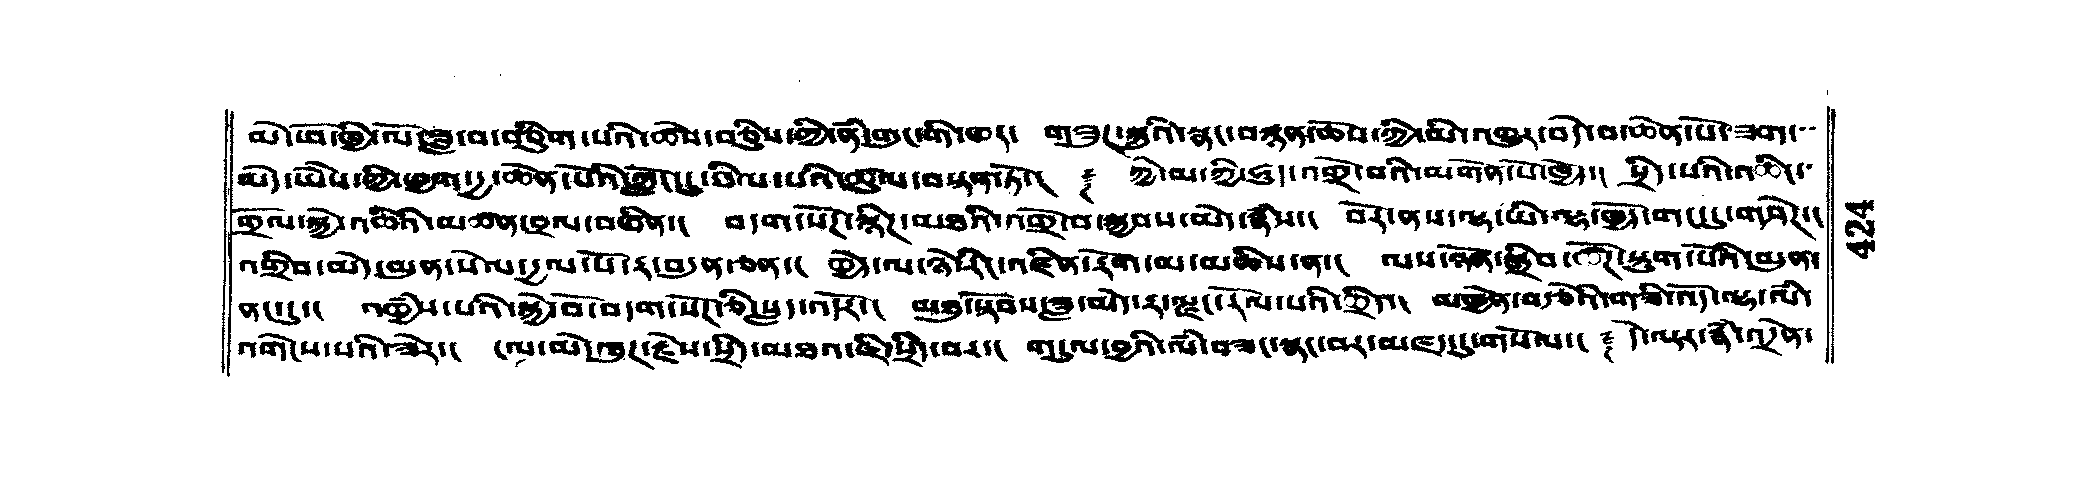མེ་ཕོ་ཁྱི་ལོ་ཟླ་བ་བཅུ་གཅིག་པའི་ཚེ་བཅུ་གཉིས་ཀྱི་ནམ་གུང་གི་ཁར། གཟུགས་སྐུའི་སྣང་བརྙན་ཆོས་ཀྱི་དབྱིངས་མི་འགྱུར་བདེ་བ་ཆེན་པོ་ཟག་
མེད་ཡེ་ཤེས་ཀྱི་ཕྱག་རྒྱ་ཆེན་པོའི་ཀློང་དུ་ཐིམ་པའི་ཚུལ་བསྟན་ཏོ།། ༈ ཀྱེ་མ་ཀྱི་ཧུད་འགྲོ་བའི་མགོན་པོ་ཁྱོད། །སྲིད་པའི་འཆིང་
གྲོལ་སྐྱེ་འཆིའི་མཚན་བྲལ་བཞིན། །བདག་སོགས་སྙིགས་མཐའི་འགྲོ་བ་སྐྱབས་མེད་རྣམས། །བོར་ནས་ལྷ་ཡི་ལྷ་ཁྱོད་གང་དུ་གཤེགས། །
འགྲིབ་མེད་མུན་སེལ་རྒྱལ་པོ་རྟ་བདུན་ཅན། །ཁྱེད་ལ་ཉེ་རིང་འཛིན་རྟོག་མ་མཆིས་ན། །ལས་ཉོན་སྒྲིབ་ཚོགས་སྟུག་པོའི་མུན་
ནང་དུ། །འཁྱམས་པའི་སྐྱེ་བོ་བདག་སོགས་ཅི་སླད་འདོར། །མཐུ་སྟོབས་ཟླ་མེད་རྟ་ལྗང་རོལ་པའི་ཁྲོད། །མཁྱེན་བརྩེའི་གཟི་འོད་ལྷ་ལམ་
འགེངས་པའི་ཟེར། །ངལ་མེད་ཐུགས་རྗེས་སྲིད་མཐའ་ཇི་སྲིད་བར། །གདུལ་བྱའི་ལམ་བཟང་སྣང་བར་མཛད་དུ་གསོལ། ༈ །དེ་ལྟར་རྣམ་འདྲེན་